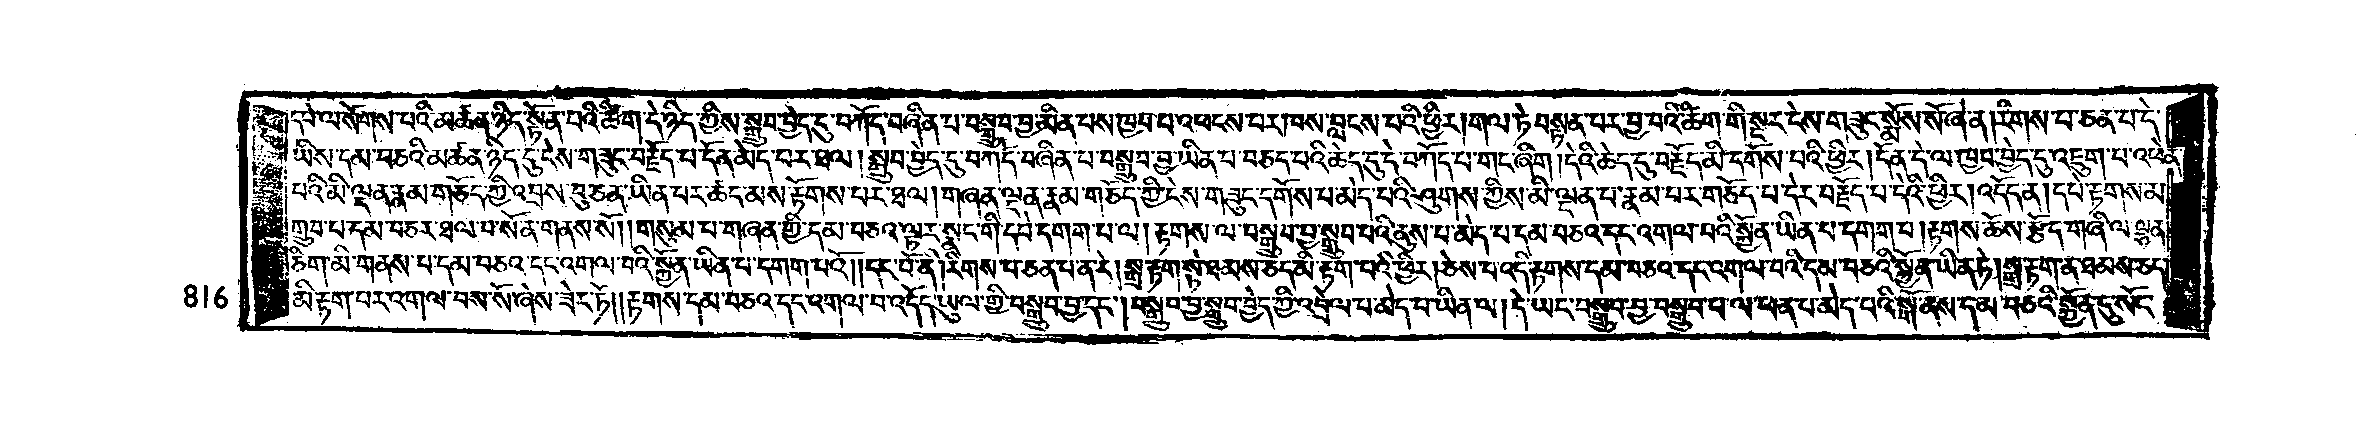དཔེ་ལ་སོགས་པའི་མཚན་ཉིད་སྟོན་པའི་ཚིག་དེ་ཉིད་ཀྱིས་སྒྲུབ་བྱེད་དུ་བཀོད་བཞིན་པ་བསྒྲུབ་བྱ་མིན་པས་ཁྱབ་པ་འཕངས་པར་ཁས་བླངས་པའི་ཕྱིར། གལ་ཏེ་བསྟན་པར་བྱ་བའི་ཚིག་གི་སྔར་ངེས་གཟུང་སྨོས་སོ་ཞེ་ན། རིགས་པ་ཅན་པ་དེ་
ཡིས་དམ་བཅའི་མཚན་ཉིད་དུ་ངེས་གཟུང་བརྗོད་པ་དོད་མེད་པར་ཐལ། སྒྲུབ་བྱེད་དུ་བཀོད་བཞིན་པ་བསྒྲུབ་བྱ་ཡིན་པ་བཅད་པའི་ཆེད་དུ་དེ་བཀོད་པ་གང་ཞིག །དེའི་ཆེད་དུ་བརྗོད་མི་དགོས་པའི་ཕྱིར། དོན་དེ་ལ་ཁྱབ་བྱེད་དུ་འཇུག་པ་འཕེན་
པའི་མི་ལྡན་རྣམ་གཅོད་ཀྱི་འབྲས་བུ་ཅན་ཡིན་པར་ཚད་མས་རྟོགས་པར་ཐལ། གཞན་ལྡན་རྣམ་གཅོད་ཀྱི་ངེས་གཟུང་དགོས་པ་མེད་པའི་ཤུགས་ཀྱིས་མི་ལྡན་པ་རྣམ་པར་གཅོད་པ་དེར་བརྗོད་པ་དེའི་ཕྱིར། འདོད་ན། དཔེ་རྟགས་མ་
གྲུབ་པ་དམ་བཅར་ཐལ་བ་སོན་ན་གནས་སོ། །གསུམ་པ་གཞན་གྱི་དམ་བཅའ་ལྟར་སྣང་གི་དཔེ་དགག་པ་ལ། རྟགས་ལ་བསྒྲུབ་བྱ་སྒྲུབ་པའི་ནུས་པ་མེད་པ་དམ་བཅའ་དང་འགལ་བའི་སྐྱོན་ཡིན་པ་དགག་པ། རྟགས་ཆོས་རྩོད་གཞི་ལ་ལྷན་
ཅིག་མི་གནས་པ་དམ་བཅའ་དང་འགལ་བའི་སྐྱོན་ཡིན་པ་དགག་པའོ། །དང་པོ་ནི། རིགས་པ་ཅན་པ་ན་རོ། སྒྲ་རྟག་སྟེ་ཐམས་ཅད་མི་རྟག་པའི་ཕྱིར། ཅེས་པ་འདི་རྟགས་དམ་བཅའ་དང་འགལ་བའི་དམ་བཅའི་སྐྱོན་ཡིན་ཏེ། སྒྲ་རྟག་ན་ཐམས་ཅད་
མི་རྟག་པར་འགལ་བས་སོ་ཞེས་ཟེར་ཏོ། །རྟགས་དམ་བཅའ་དང་འགལ་བ་འདོད་ཡུལ་གྱི་བསྒྲུབ་བྱ་དང་། བསྒྲུབ་བྱ་སྒྲུབ་བྱེད་ཀྱི་འབྲེལ་པ་མེད་པ་ཡིན་ལ། དེ་ཡང་བསྒྲུབ་བྱ་བསྒྲུབ་པ་ལ་ཕན་པ་མེད་པའི་སྒོ་ནས་དམ་བཅའི་སྐྱོན་དུ་སོང་